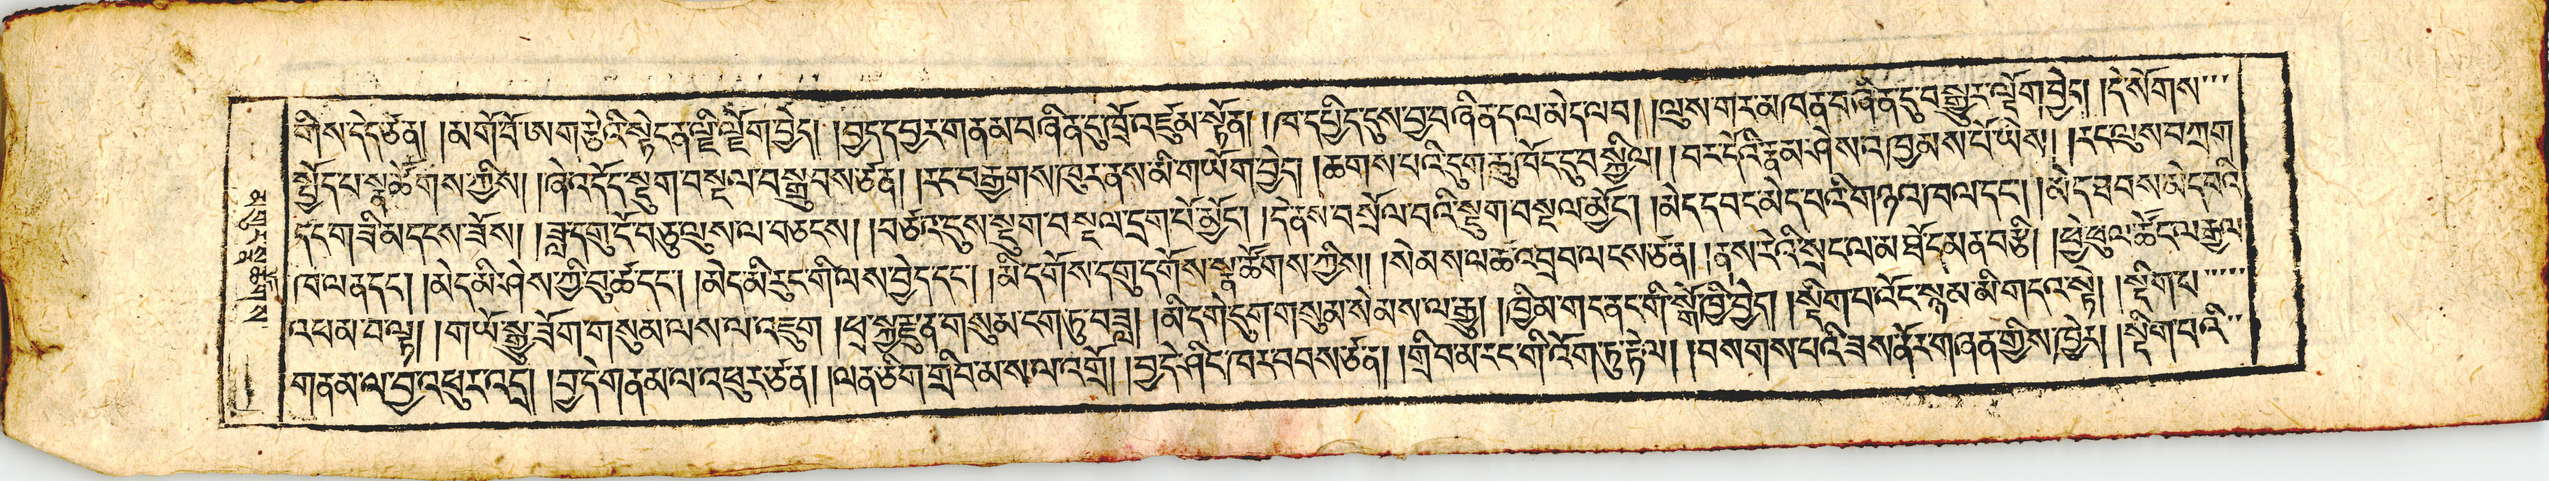གིས་དེད་ཙ་ན། །མགོ་བོ་ཨག་ཙེའི་སྟེང་ན་ལྗི་ལྗོག་བྱེད། །བྱད་དབྱར་གནམ་བཞིན་དུ་ཁྲོ་འཛུམ་སྟོན། །ཁ་དཔྱིད་དུས་བྱ་བཞིན་དལ་མེད་ལབ། །ལུས་གར་མཁན་བཞིན་དུ་བསྒྱུར་ལྡོག་བྱེད། །དེ་སོགས་་་
སྤྱོད་པ་སྣཚོགས་ཀྱིས། །ཞེ་འདོད་སྡུག་བསྔལ་བསྒྲུབས་ཚེ་ན། །རང་བརྒྱགས་ཁུར་ནས་མི་གཡོག་བྱེད། །ཆགས་པའི་དུག་ཆུ་ཁོང་དུབ་སྐྱིལ། །བར་དོའི་རྣམ་ཤེས་འཁྱམས་པོ་ཡིས། །རང་ལུས་བཀྲག་
དང་གཟི་མདངས་ཟོས། །ཟླ་དགུ་ངོ་བཅུ་ལུས་ལ་བཅངས། །བཙའ་དུས་སྡུག་བསྔལ་དྲག་པོ་མྱོང་། །དེ་ནས་བསྲོལ་བའི་སྔག་བསྔལ་མྱོང། །མེདདབང་མེད་པའི་གཉའ་ཁལ་དང་། །མེད་ཐབས་མེད་པའི
ཁ་ལན་དང་། །མེད་མི་ཤེས་ཀྱི་བུ་ཚ་དང་། །མེད་མི་རུང་གི་ལས་བྱེད་དང་། །མི་དགོས་དགུ་དགོས་སྣ་ཚོགས་ཀྱིས། །སེམས་ལ་ཚ་འབྲབ་ལངས་ཙ་ན། །ནས་རེའི་སྲང་ལ་མཐོ་དམན་བརྩི། །ཕྱེ་ཕུལ་ཚོང་ལ་རྒྱལ་
འཕམ་བལྟ། །གཡོ་སྒྱུ་ཟོག་གསུམ་ལས་ལ་འཇུག །ཕྲ་སྐྱ་རྫུན་གསུམ་ངག་ཏུ་བཟླ། །མི་དགེ་དུག་གསུམ་སེམས་ལ་རྒྱུ། །ཁྱིམ་གང་ནང་གི་སྒོ་ཁྱི་བྱེད། །སྡིག་པ་འོང་སྙམ་མི་གདའ་སྟེ། །སྡིག་པ་
གནམ་ལ་བྱ་འཕུར་འདྲ། །བྱ་དེགནམ་ལ་འཕུར་ཙ་ན། །ལན་ཅིག་གྲིབ་མ་ས་ལ་འགྲོ། །བྱ་དེ་ཤིང་ཁར་བབས་ཙ་ན། །གྲིབ་མ་རང་གི་འོག་ཏུ་རྟོལ། །བསགས་པའི་ཟས་ནོར་གཞན་གྱིས་ཁྱེར། །སྡིག་པའི་